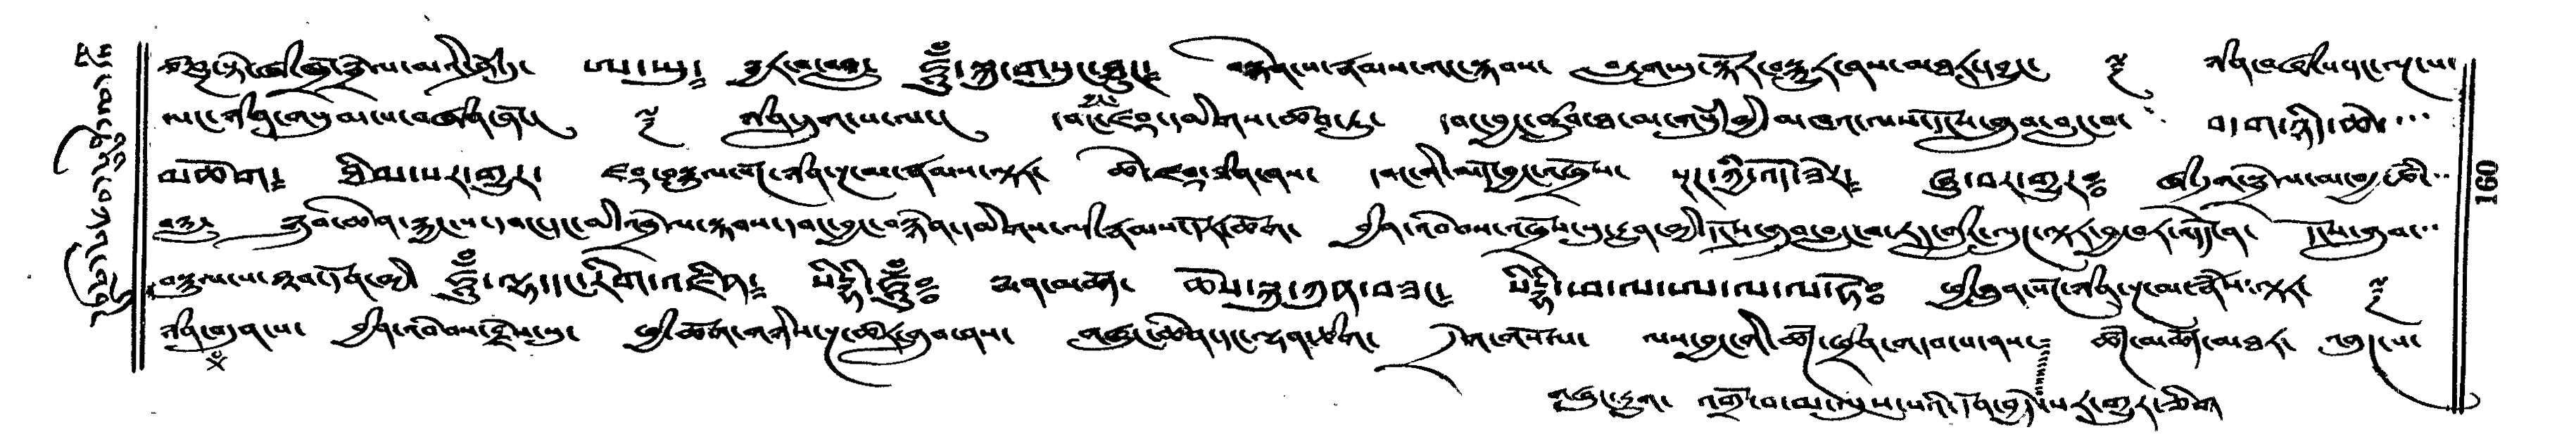ཙཎྜ་སྟེ་ཞི་ཁྲོ་སྦྲེལ་མའི་གཤམ་དུ། ཨ་ཡུ༴ སྦྱར་བ་བཟླ། ཧཱུྃ༔སྐུ་གསུང་ཐུགས༴ བསྙེན་པ་རྣམས་གང་སྐབས། བླ་གཡུའི་སྐོར་བསྐྱུར་ནས་མཐར་དབྱུང་། ཉིན་བཞི་པ་དང་ལྔ་པ་
ཡང་ཉིན་གསུམ་བ་བཞིན་ནོ། ཉིན་དྲུག་པ་ལ། དབང་བྱང་ཛབ་དམིགས་ཚབ་ཏུ། དབང་བྱང་ནུབ་ཐ་མ་གསུམ་གྱི་མཁའ་ལས་དངོས་གྲུབ་བླང་བ། བདག་ཉིད་ཆེ་
མཆོག༴ ཐིམ་པར་གྱུར༔ ཛབ་བསྐུལ་སོགས་ཉིན་སྔ་མ་རྣམས་ལྟར། ཚེ་ཛབྡ་ཟིན་ནས་དབང་གི་མདོ་བྱང་འཕྲོས། སྔགས་ཀྱི་འོད་ཟེར༴ ཞུ་བར་གྱུར༔ ཞི་དྲག་སྦྲེལ་མ་བརྒྱ་ཙམ་
བཟླ། སྒྲུབ་ཆེན་རྐྱང་པ་དབང་དག་མི་འབྲེལ་སྐབས་དབང་བྱང་བསྙེན་དམིགས་འདི་རྣམས་དོར་ཆོག བྱིན་འབེབས་འཕྲོས་སུ་རྒྱུན་གྱི་དངོས་གྲུབ་བླང་བ་རཏ་གླིང་ལུགས་ལྟར་བྱ་བར་འདོད་ན། དངོས་གྲུབ་
སྐུལ་པ་ཟབ་དོན་གྱི། ཧཱུྃ༔ ལྷ་དང་རིག་འཛིན༴ སིདྡྷི་ཧཱུྃ༔ སྨན་མཆོད། ཆོས་སྐུ་ཀུན་བཟང༴ སིདྡྷི་ཕ་ལ་ཨ་ལ་ལ་ཧོ༔ ཕྱི་ཐུན་སོགས་ཉིན་སྔ་མ་རྣམས་ལྟར། 
ཉིན་བདུན་པ། བྱིན་འབེབས་རྗེས་སུ་ ཕྱི་ཆོག་གཉིས་སྔ་ཚར་གྲུབ་ནས། གཞུང་ཆེན་དང་ལྷན་ཅིག་དྲེགས་གསོལ། ལས་བྱང་གི་ཚོགས་ཕྲིན་གདབ་པ་ནས། གཞུང་རྒྱུག འགྲོ་བ་མ་ལུས་པའི་དོན་བྱེད་པར་གྱུར་ཅིག ཚོགས་མཆོད་མཐར། འགུགས་པ་